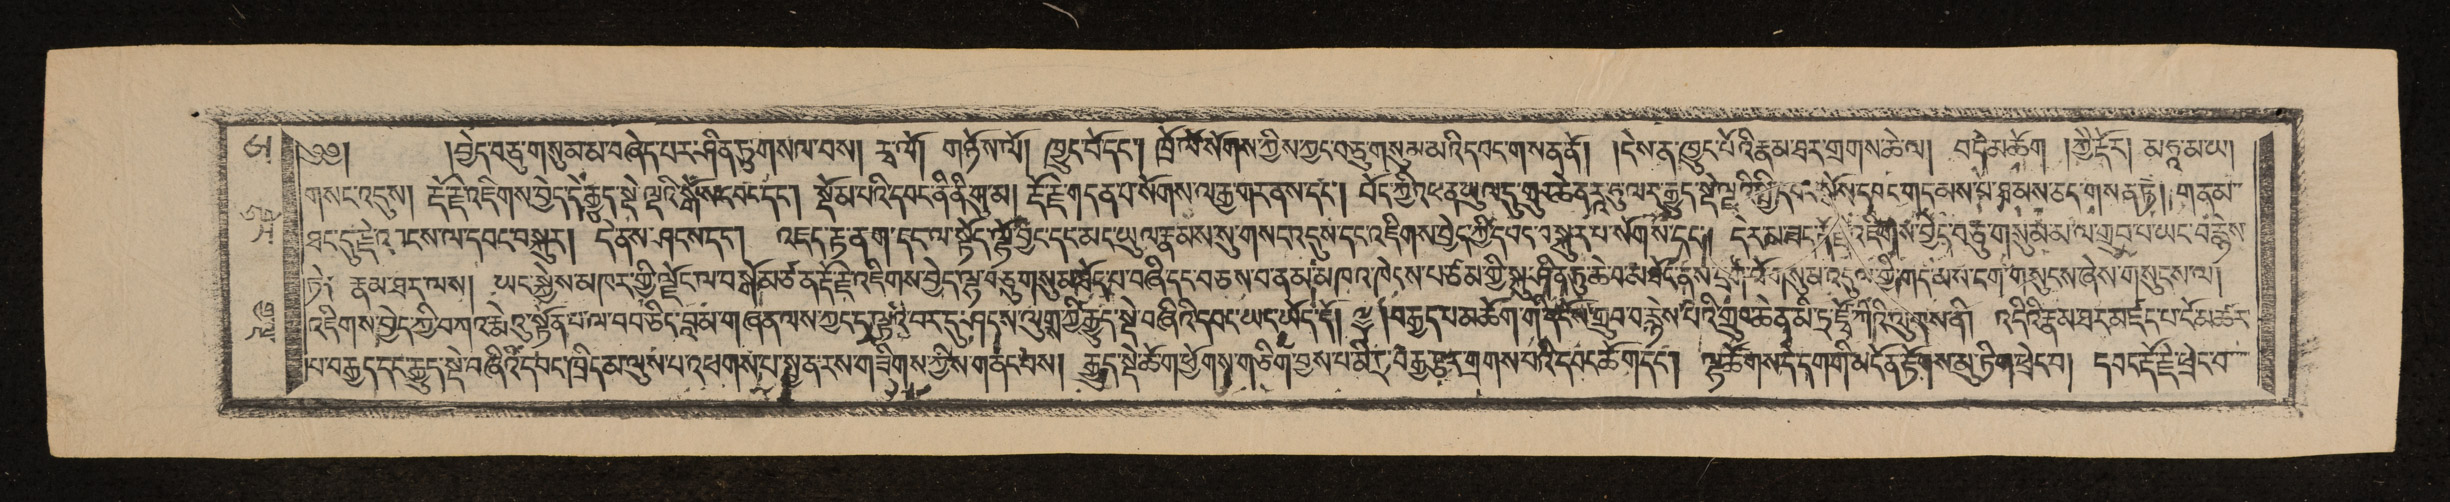༄༅། །བྱེད་བཅུ་གསུམ་མ་བཞེད་པར་ཤིན་ཏུ་གསལ་བས། རྭ་ལོ། གཉོས་ལོ། ཁྱུང་པོ་དང་། ཁྲོ་ལོ་སོགས་ཀྱིས་ཀྱང་བཅུ་གསུམ་མའི་དབང་གསན་ནོ། །དེས་ན་ཁྱུང་པོའི་རྣམ་ཐར་གྲགས་ཆེལ། བདེ་མཆོག །ཀྱཻ་རྡོར། མཧཱ་མ་ཡ།
གསང་འདུས། རྡོ་རྗེ་འཇིགས་བྱེད་དེ་རྒྱུད་སྡེ་ལྔའི་སྒོས་དབང་དང་། སྡོམ་པའི་དབང་ནི་ནི་གུམ། རྡོ་རྗེ་གདན་པ་སོགས་ལ་རྒྱ་གར་ནས་དང་། བོད་ཀྱི་འཕན་ཡུལ་དུ་གྲུབ་ཆེན་རཱཧུ་ལར་རྒྱུད་སྡེ་ལྔའི་སྤྱི་དབང་སྒོས་དབང་གདམས་པ་ཐམས་ཅད་གསན་ཏེ། གནམ་
ཐད་དུ་རྗེ་འབངས་ལ་དབང་བསྐུར། དེ་ནས་ཤངས་དང་། འཇད་རྟ་ནག་དང་ལ་སྟོད་ལྷོ་བྱང་དང་མང་ཡུལ་རྣམས་སུ་གསང་འདུས་དང་འཇིགས་བྱེད་ཀྱི་དབང་བསྐུར་པ་སོགས་དང་། དེར་མ་ཟད་རྡོ་རྗེ་འཇིགས་བྱེད་བཅུ་གསུམ་མ་ལ་གྲུབ་པ་ཡང་བརྙེས་
ཏེ༑ རྣ་མཐར་ལས། ཡང་སྐྱེས་མཁར་གྱི་ལྗོང་ལ་བསྒོམ་ཙན་རྡོ་རྗེ་འཇིགས་བྱེད་ལྷ་བཅུ་གསུམ་ཐོད་པ་བཞི་དང་བཅས་པ་ནམ་མཁའ་ཁེངས་པ་ཙམ་གྱི་སྐུ་ཤིན་ཏུ་ཆེ་བ་མཐོང་ནས་དྲག་པོ་གསུམ་འདུལ་གྱི་གདམས་ངག་གསུངས་ཞེས་གསུངས་ལ།
འཇིགས་བྱེད་ཀྱི་བཀའ་རྨེའུ་སྟོན་པ་ལ་བཅིང་བླ་མ་གཞན་ལས་ཀྱང་ད་ལྟའི་བར་དུ་ཤངས་ལུགས་ཀྱི་རྒྱུད་སྡེ་བཞིའི་དབང་ཡང་ཡོད་དོ། ༈ །བརྒྱད་པ་མཆོག་གི་དངོས་གྲུབ་བརྙེས་པའི་གྲུབ་ཆེན་མི་ཏྲ་ཛྭེ་ཀེའི་ལུགས་ནི། འདིའི་རྣམ་ཐར་མཛད་པ་དོ་མཚར་
བ་བརྒྱད་དང་རྒྱུད་སྡེ་བཞིའི་དབང་ཁྲིད་མ་ལུས་པ་འཕགས་པ་སྤྱན་རས་གཟིགས་ཀྱིས་གནང་བས། རྒྱུད་སྡེ་ཆོག་ཕྱོགས་གཅིག་བྱས་པ་མི་ཏྲ་བརྒྱ་རྩར་གྲགས་པའི་དབང་ཆོག་དང་། ལྷ་ཚོགས་དེ་དག་གི་མངོན་རྟོགས་མུ་ཏིག་ཕྲེང་བ། དབང་རྡོ་རྗེ་ཕྲེང་བ་